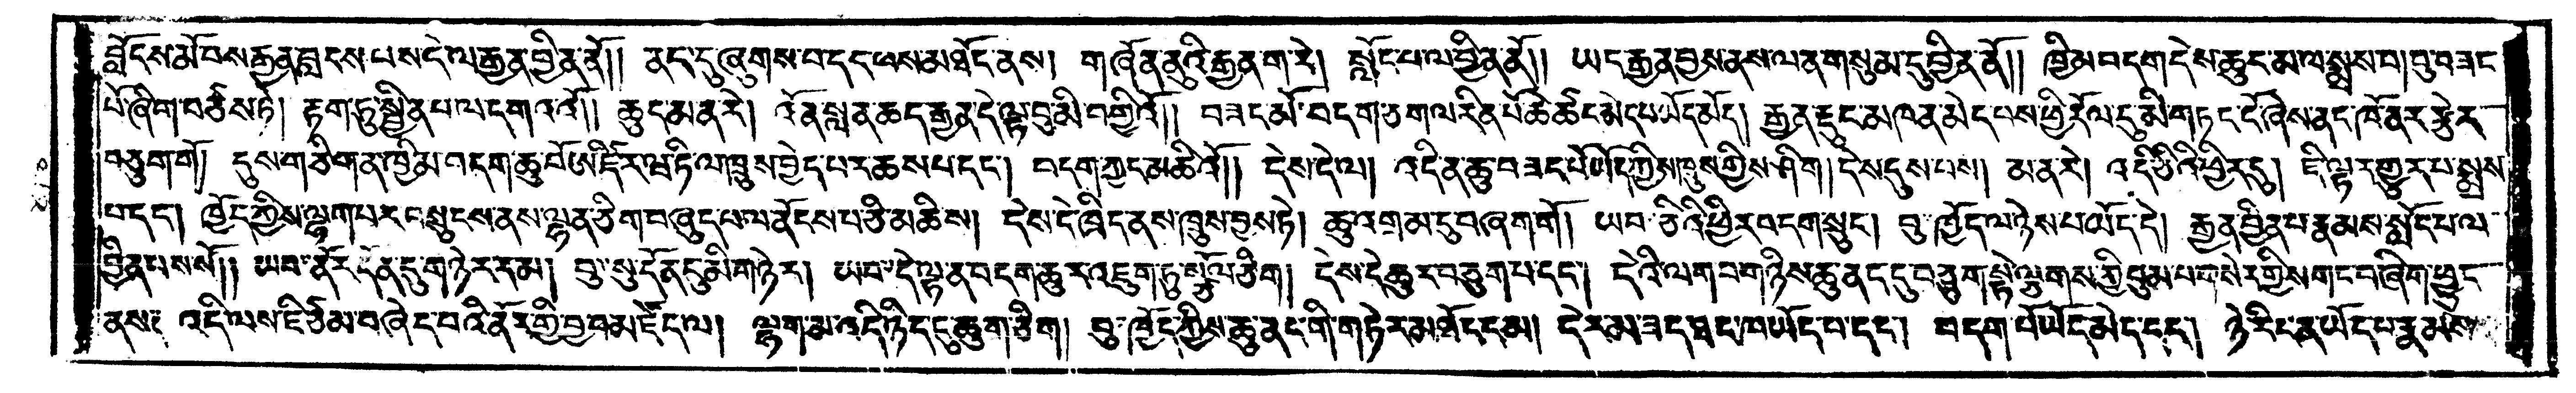བློངས་མོ་བས་རྒྱན་བླངས་པས་དེ་ལ་རྒྱན་བྱིན་ནོ།། ནང་དུ་ཞུགས་པ་དང་ཕས་མཐོང་ནས། གཞོན་ནུའི་རྒྱན་ག་རེ། སློང་པ་ལ་བྱིན་ནོ།། ཡང་རྒྱན་བྱས་ནས་ལན་གསུམ་དུ་བྱིན་ནོ།། ཁྱིམ་བདག་དེས་ཆུང་མ་ལ་སྨྲས་བ། བུ་བཟང་
པོ་ཞིག་བཙས་ཏེ། རྟག་ཏུ་སྦྱིན་པ་ལ་དགའ་འོ།། ཆུད་མ་ན་རེ། འོན་སླན་ཆད་རྒྱན་དེ་ལྟ་བུ་མི་བགྱིའོ།། བཟང་མོ་བདག་ཅག་ལ་རིན་པོ་ཆེ་ཚང་མེད་པ་ཡོད་མོད། རྒྱན་རྡུང་མཁན་མེད་པས་ཕྱི་རོལ་དུ་མི་གཏང་ངོ་ཞེས་ནང་ཁོ་ནར་རྩེར་
བཅུག་གོ། དུས་གཅིག་ན་ཁྱིམ་བདག་ཆུ་བོ་ཨ་ཛི་ར་ཝ་ཏི་ལ་ཁྲུས་བྱེད་པར་ཆས་པ་དང་། བདག་ཀྱང་མཆིའོ།། དེས་དེ་ལ། འདི་ན་ཆུ་བཟང་པོ་ཡོད་ཀྱིས་ཁྲུས་གྱིས་ཤིག། དེས་དུས་པས། མ་ན་རེ། འདི་ཅིའི་ཕྱིར་དུ། ཇི་ལྟར་གྱུར་པ་སྨྲས་
པ་དང་། ཁྱོད་ཀྱིས་ལྷག་པར་བསྲུངས་ནས་ལྷན་ཅིག་བཞུད་པ་ལ་ནོངས་པ་ཅི་མཆིས། དེས་དེ་ཁྲིད་ནས་ཁྲུས་བྱས་ཏེ། ཆུ་འགྲམ་དུ་བཞག་གོ། ཡབ་ཅིའི་ཕྱིར་བདག་སྲུང་། བུ་ཁྱོད་ལ་ཉེས་པ་ཡོད་དེ། རྒྱན་བྱིན་པ་རྣམས་སློང་པ་ལ་
བྱིན་པས་སོ།། ཡབ་བོར་དོན་དུ་གཉེར་རམ། བུ་སུ་དོན་དུ་མི་གཉེར། ཡབ་དེ་ལྟ་ན་བདག་ཆུར་འཇུག་ཏུ་སྩོལ་ཅིག། དེས་དེ་ཆུར་བཅུག་པ་དང་། དེའི་ལག་པ་གཉིས་ཆུ་ནང་དུ་བཅུག་སྟེ་ལྕགས་ཀྱི་བུམ་པ་གསེར་གྱི་གང་བ་ཞིག་ཕྱུང་
ནས༑ འདི་ལས་ཇི་ཙམ་བཞེད་པའི་ནོར་གྱི་བྱ་བ་མཛོད་ལ། ལྷག་མ་འདི་ཉིད་དུ་ཆུ་གཅིག། བུ་ཁྱོད་ཀྱིས་ཆུ་ནང་གི་གཏེར་མཐོང་ངམ། དེར་མ་ཟད་ཐང་ཁ་ཡོད་པ་དང་། བདག་པོ་ཡོད་མེད་དང་། ཉེར་རིང་ན་ཡོད་པ་རྣམས་